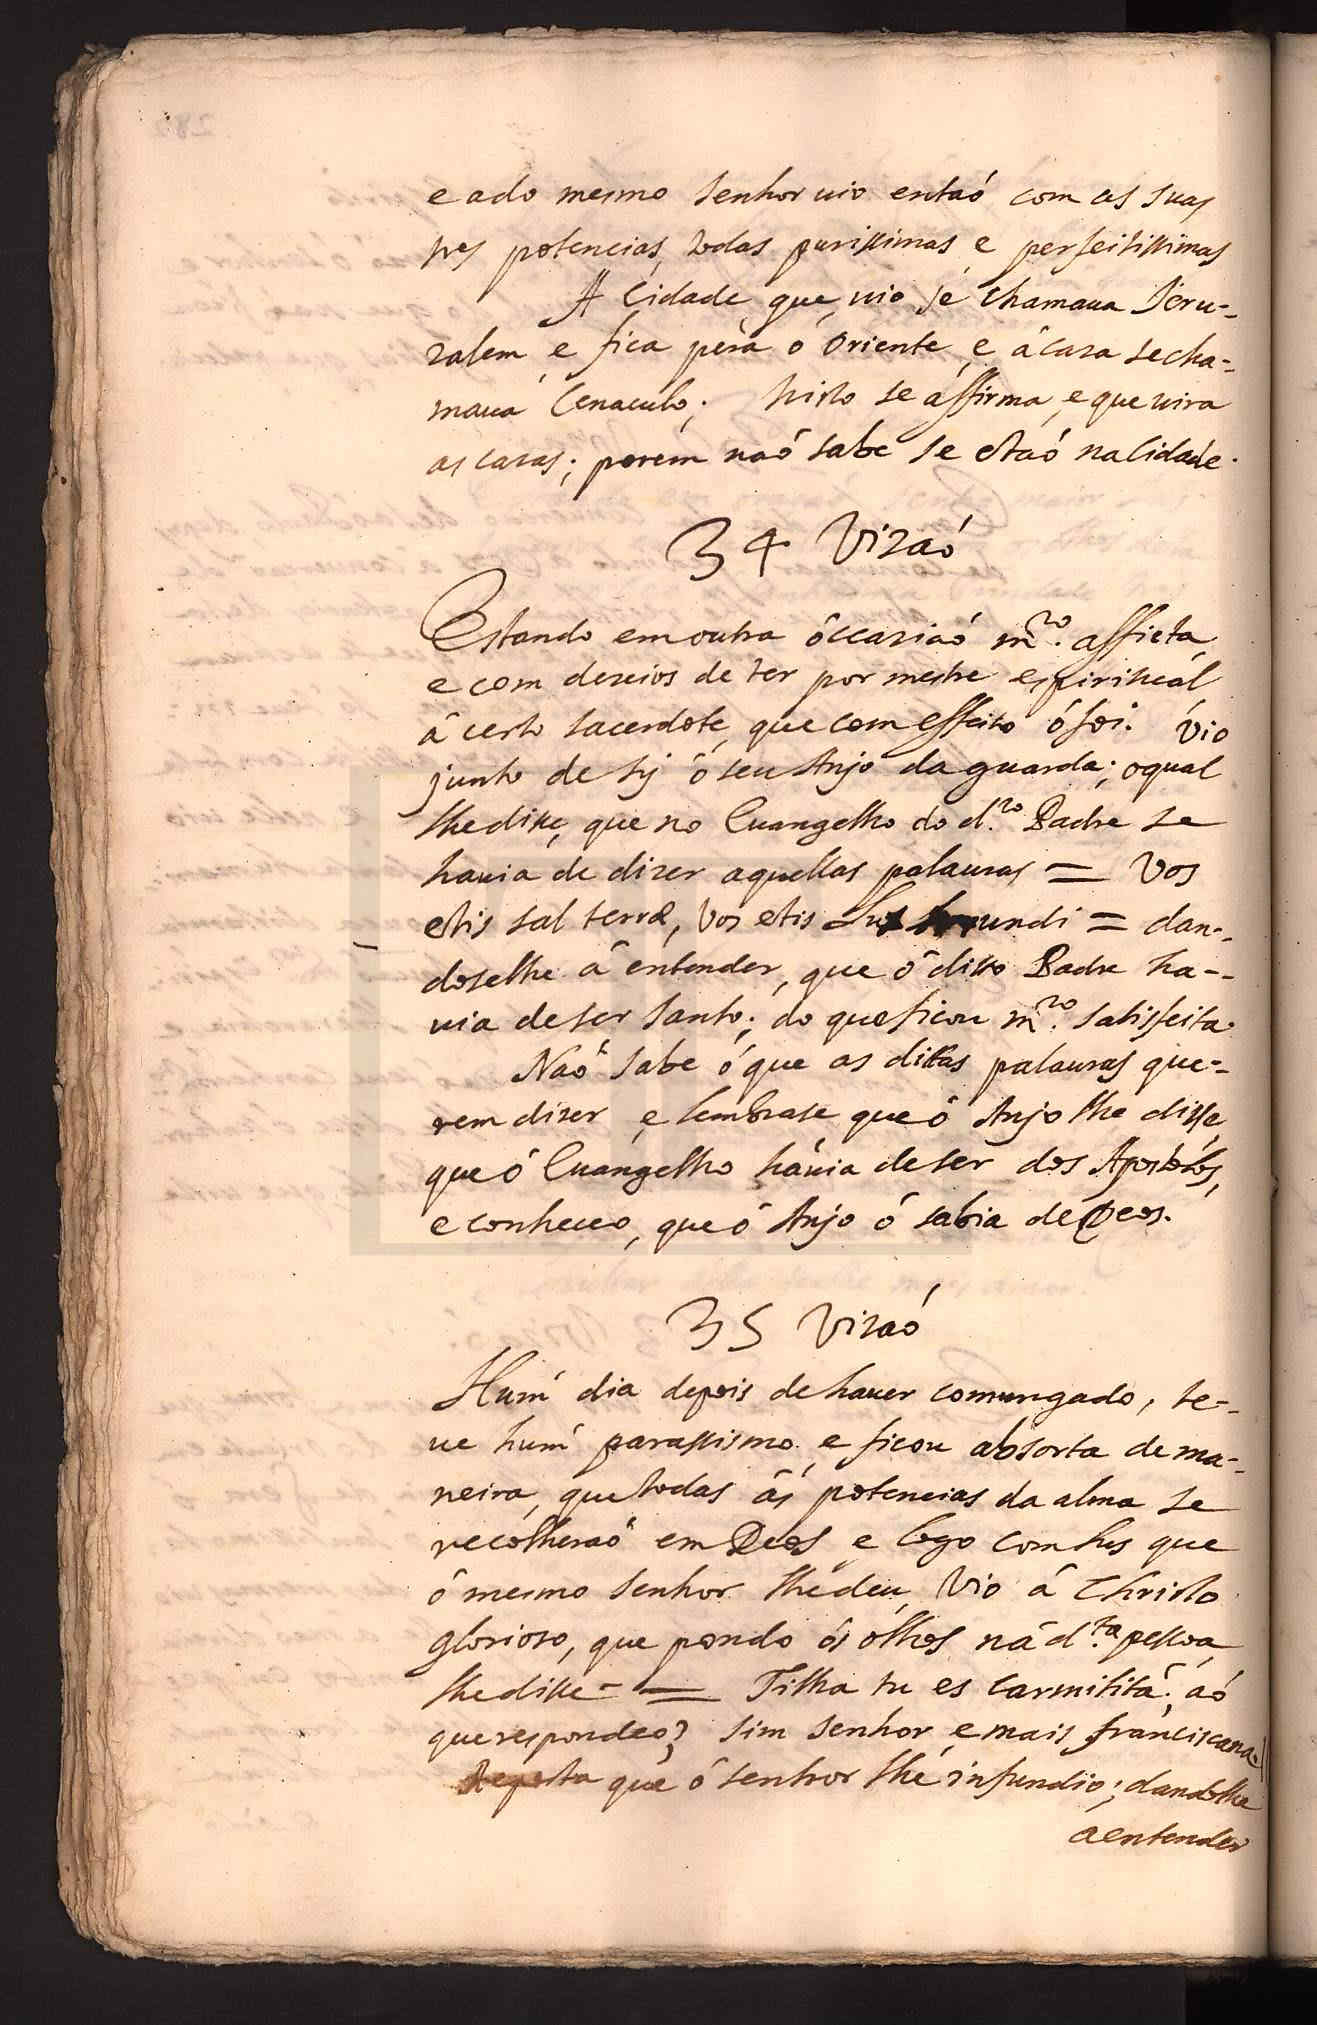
e a do mesmo Senhor uio entaõ com as suas
tres potencias, todas purissimas, e perfeitissimas
A cidade, que uio se chamaua Ieru
zalem, e fica pera o Oriente, e a caza se cha
maua Cenaculo; Nisto se affirma, e que uira
as cazas; porem naõ sabe se estaõ na Cidade
34 Vizaõ
Estando em outra óccaziaõ mto afficta,
e com dezeios de ter por mestre espiritual,
á certo sacerdote, que com effeito ó foi. vio
junto de sy ó seu Anjo da guarda; o qual
lhe disse, que no Euangelho do d.to Padre se
hauia de dizer aquellas palauras = Vos
estis sal terræ, vos estis Lux mundi = dan
doselhe á entender, que ó ditto Padre ha
uia de ser Santo, do que ficou m.to satisfeita.
Naõ sabe ó que as dittas palauras que
rem dizer, e lembrase que ó Anjo lhe disse
que ó Euangelho hauia de ser dos Apostolos,
e conheceo, que ó Anjo ó sabia de Deos.
35 Vizaõ
Hum dia depois de hauer comungado, te
ue hum parassismo, e ficou absorta de ma
neira, que todas ás potencias da alma se
recolheraõ em Deos, e logo com lus que
ó mesmo Senhor lhe deu, vio á Christo
gloriozo, que pondo ós olhos na d.ta pessoa,
lhe disse = Filha tu es carmilita; aó
que respondeo, sim senhor, e mais franciscana.
Reposta que ó senhor lhe infundio, dandolhe
a entender
